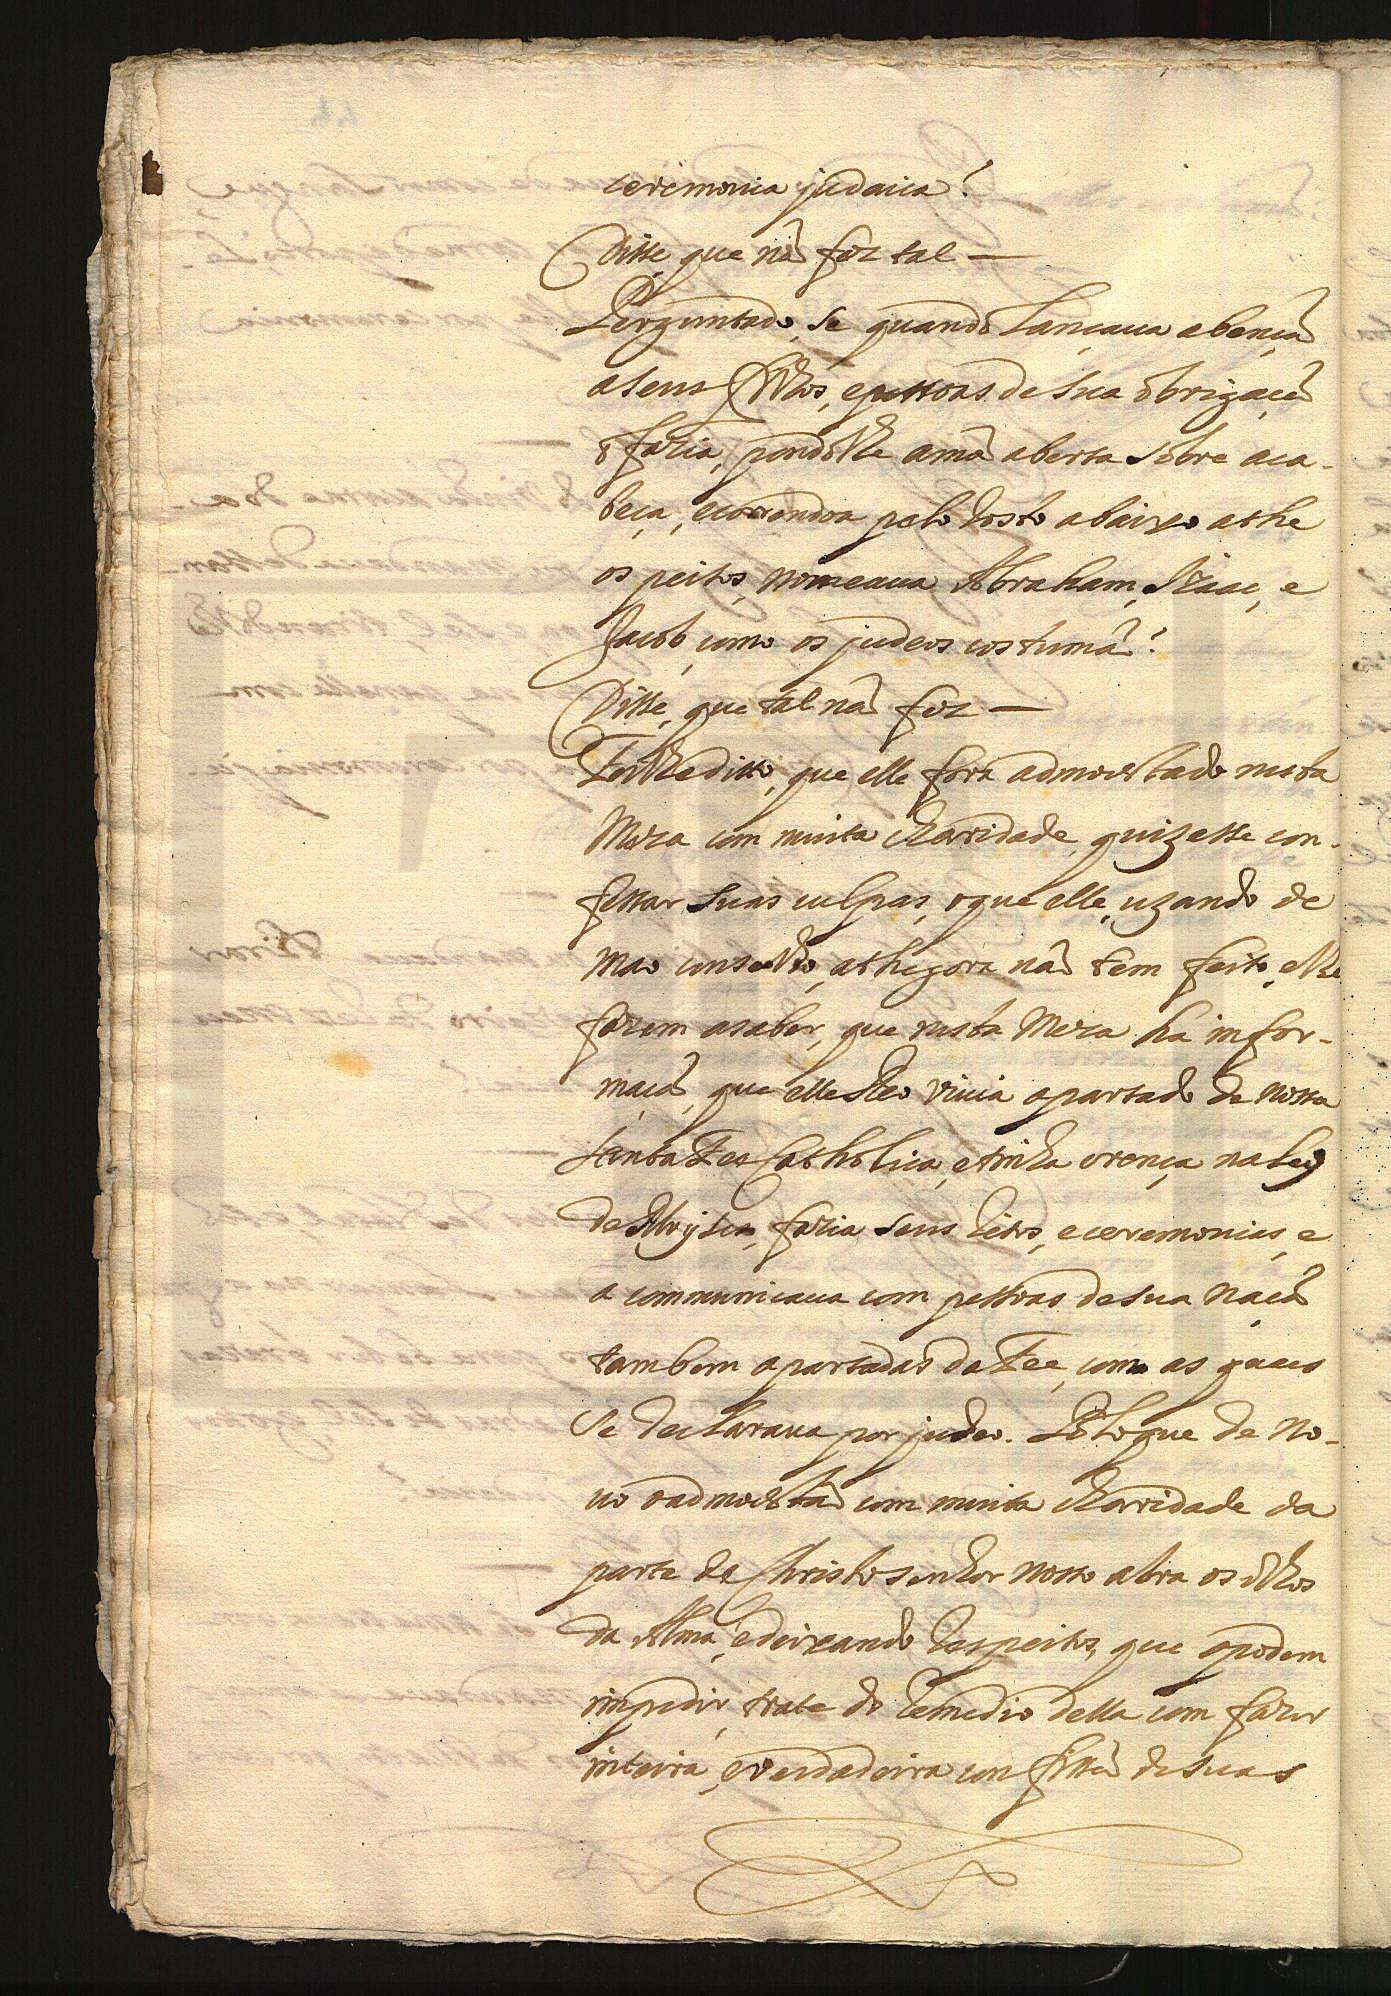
ceremonia judaica?
Disse que naõ fez tal
Perguntado, se quando Lançaua a bençaõ
a seus filhos, e pessoas de sua obrigaçaõ
o fazia, pondolhe a maõ aberta sobre a ca
beça, e correndoa pelo Rosto abaixo athe
os peitos, nomeaua Abraham, Izaac, e
Jacob, como os judeos costumaõ?
Disse, que tal naõ fez
Foilhe ditto, que elle fora admoestado nesta
Meza com muita charidade, quizesse con
fessar suas culpas, o que elle uzando de
mao conselho, athe gora naõ tem feito, e lhe
fazem a saber, que nesta Meza há infor
maçaõ que elle Reo viuia apartado de nossa
Santa Fee Catholica, e tinha crença na Ley
de Moyses, fazia seus Ritos, e ceremonias, e
a communicaua com pessoas de sua nação
tambem apartadas da Fee, com as quais
se declaraua por judeo. Polo que de no
uo o admoestaõ com muita charidade da
parte de Christo senhor nosso abra os olhos
da Alma, e deixando Respeitos, que o podem
impedir trate do Remedio della com fazer
inteira, e verdadeira confissaõ de suas
